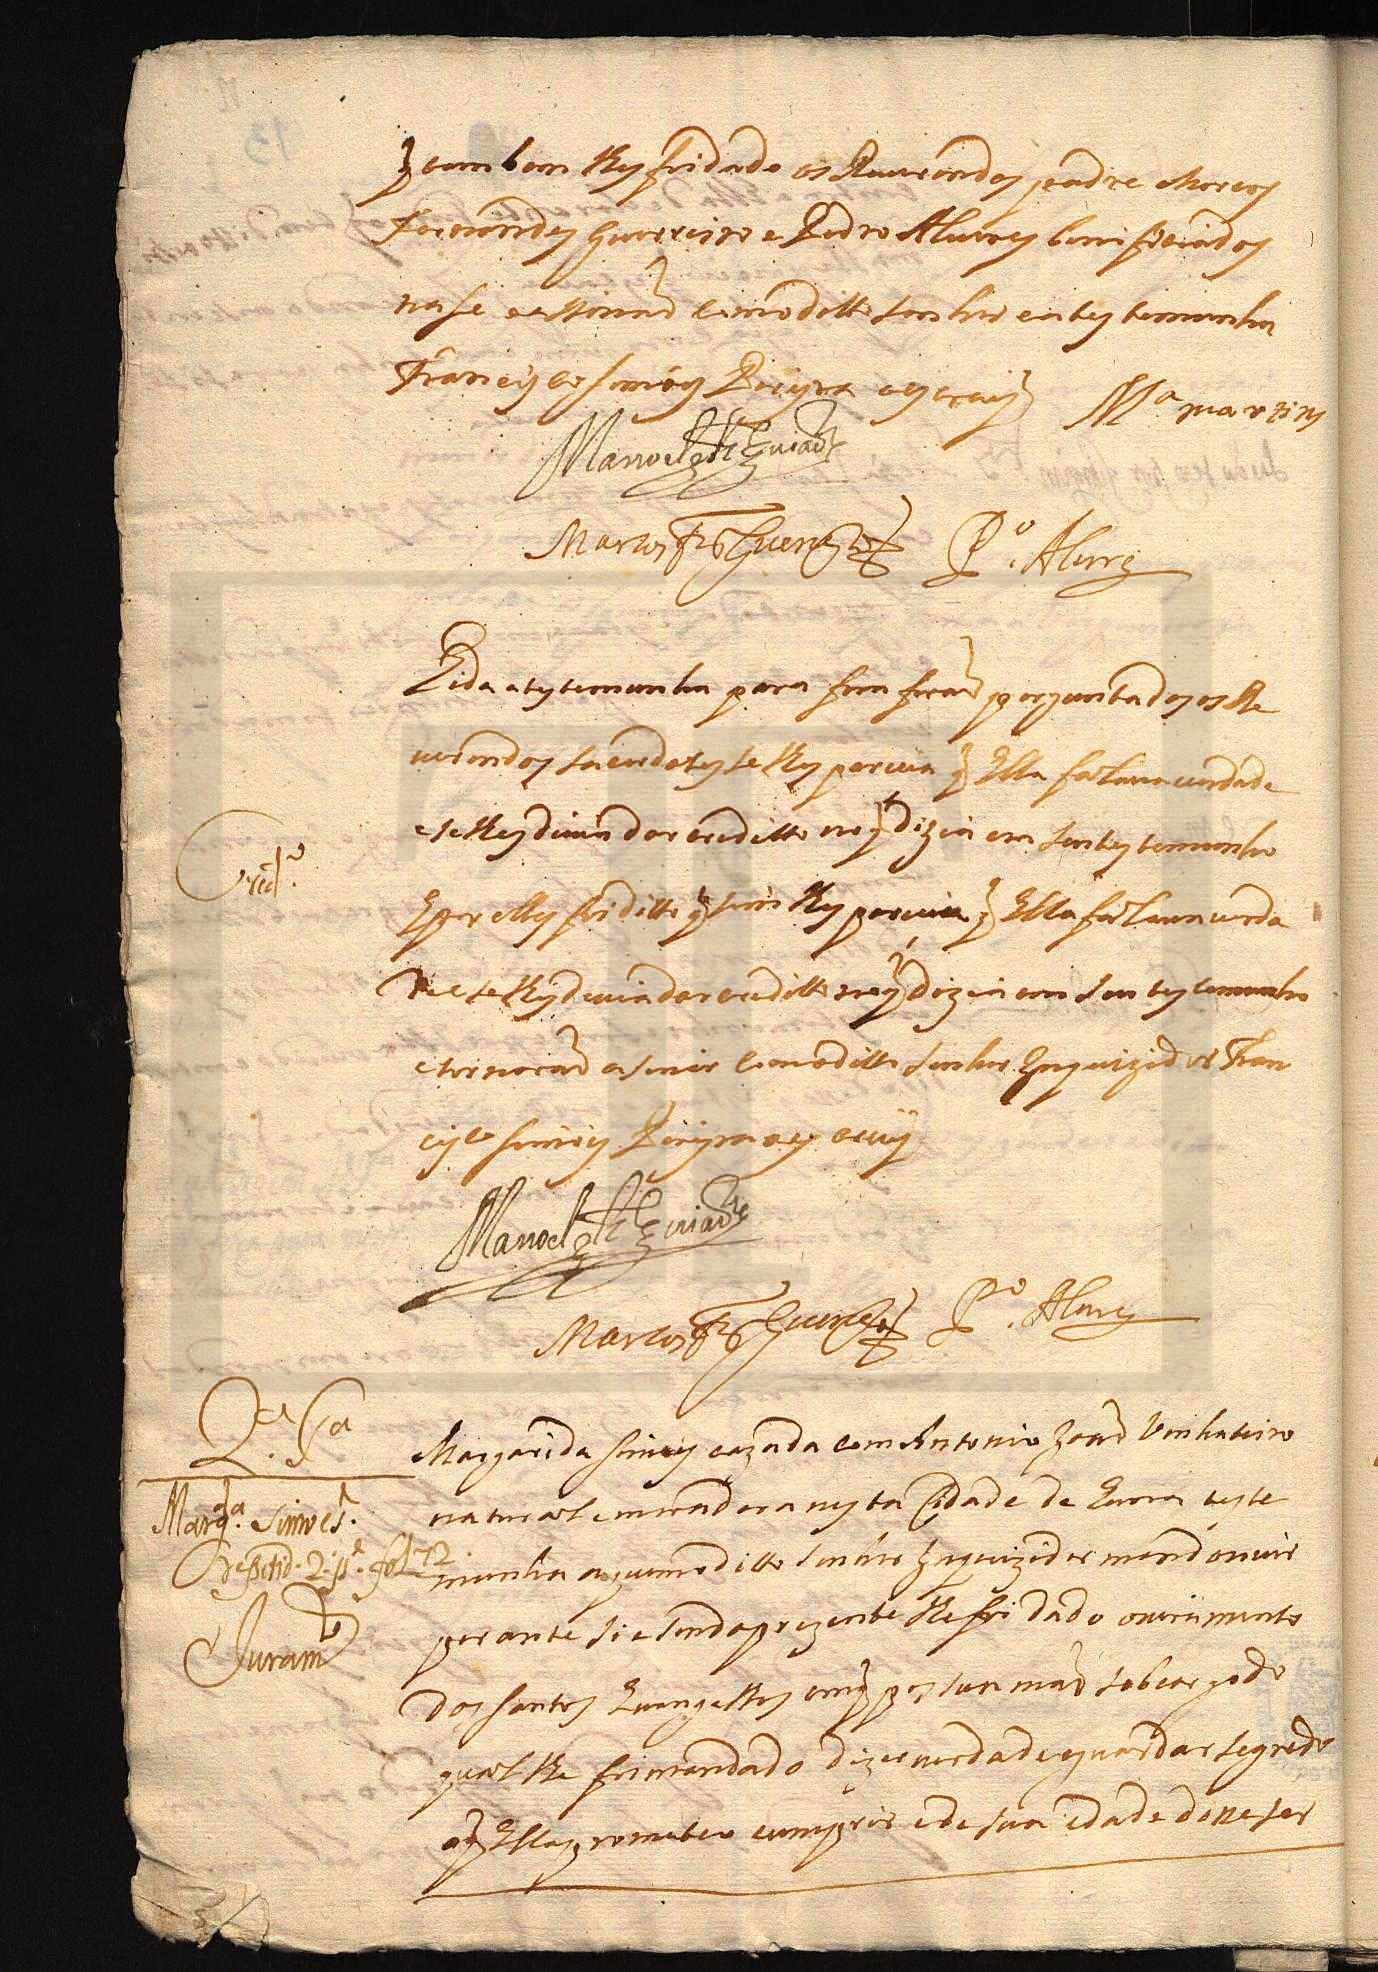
q̄ tambem lhes foi dado os Reuerendos padre Marcos
Fernandes Guerreiro, e Pedro Alueres benificiados
na se e assinaraõ com o ditto senhor e a testemunha
Francisco Simões Pereyra o escreuj
Ma martins
Manoel gl̄z Guiaō
Marcos Frs̄ Queros̄
P.o Alures
E ida a testemunha para fora foraõ perguntados os Re
uerendos sacerdotes se lhes poruia q̄ Ella falaua uerdade
e se lhes diuia dar creditto no q̄ dizia em seu testemunho
Cred̄.o
E por elles foi ditto q̄ sim lhes parecia q̄ Ella falaua uerda
de e se lhes deuia dar creditto no q̄ dizia em seu testemunho
e tornaraõ asinar com o ditto Senhor Jnquizidor Fran
cisco simois Pereyra o escreuj
Manoel glz̄ Guiaõ
Marco Frz̄ Querrō Po. Alures
Margarida simoes cazada com Antonio Joaõ Vinhateiro
2.a Ta
natural e moradora nesta Cidade de Euora teste
Marg.da Simoes̄.
munha a quem o ditto Senhor Jnquizidor mandou uir
ressitid. 2. ss.e fol. 72
perante si e sendo prezente lhe foi dado o iuramento
Juram.to
dos santos Euangelhos em q̄ pos sua maõ sob cargo do
qual lhe foi mandado dizer uerdade guardar segredo
o q̄ Ella prometeo cumprir e de sua idade disse ser
